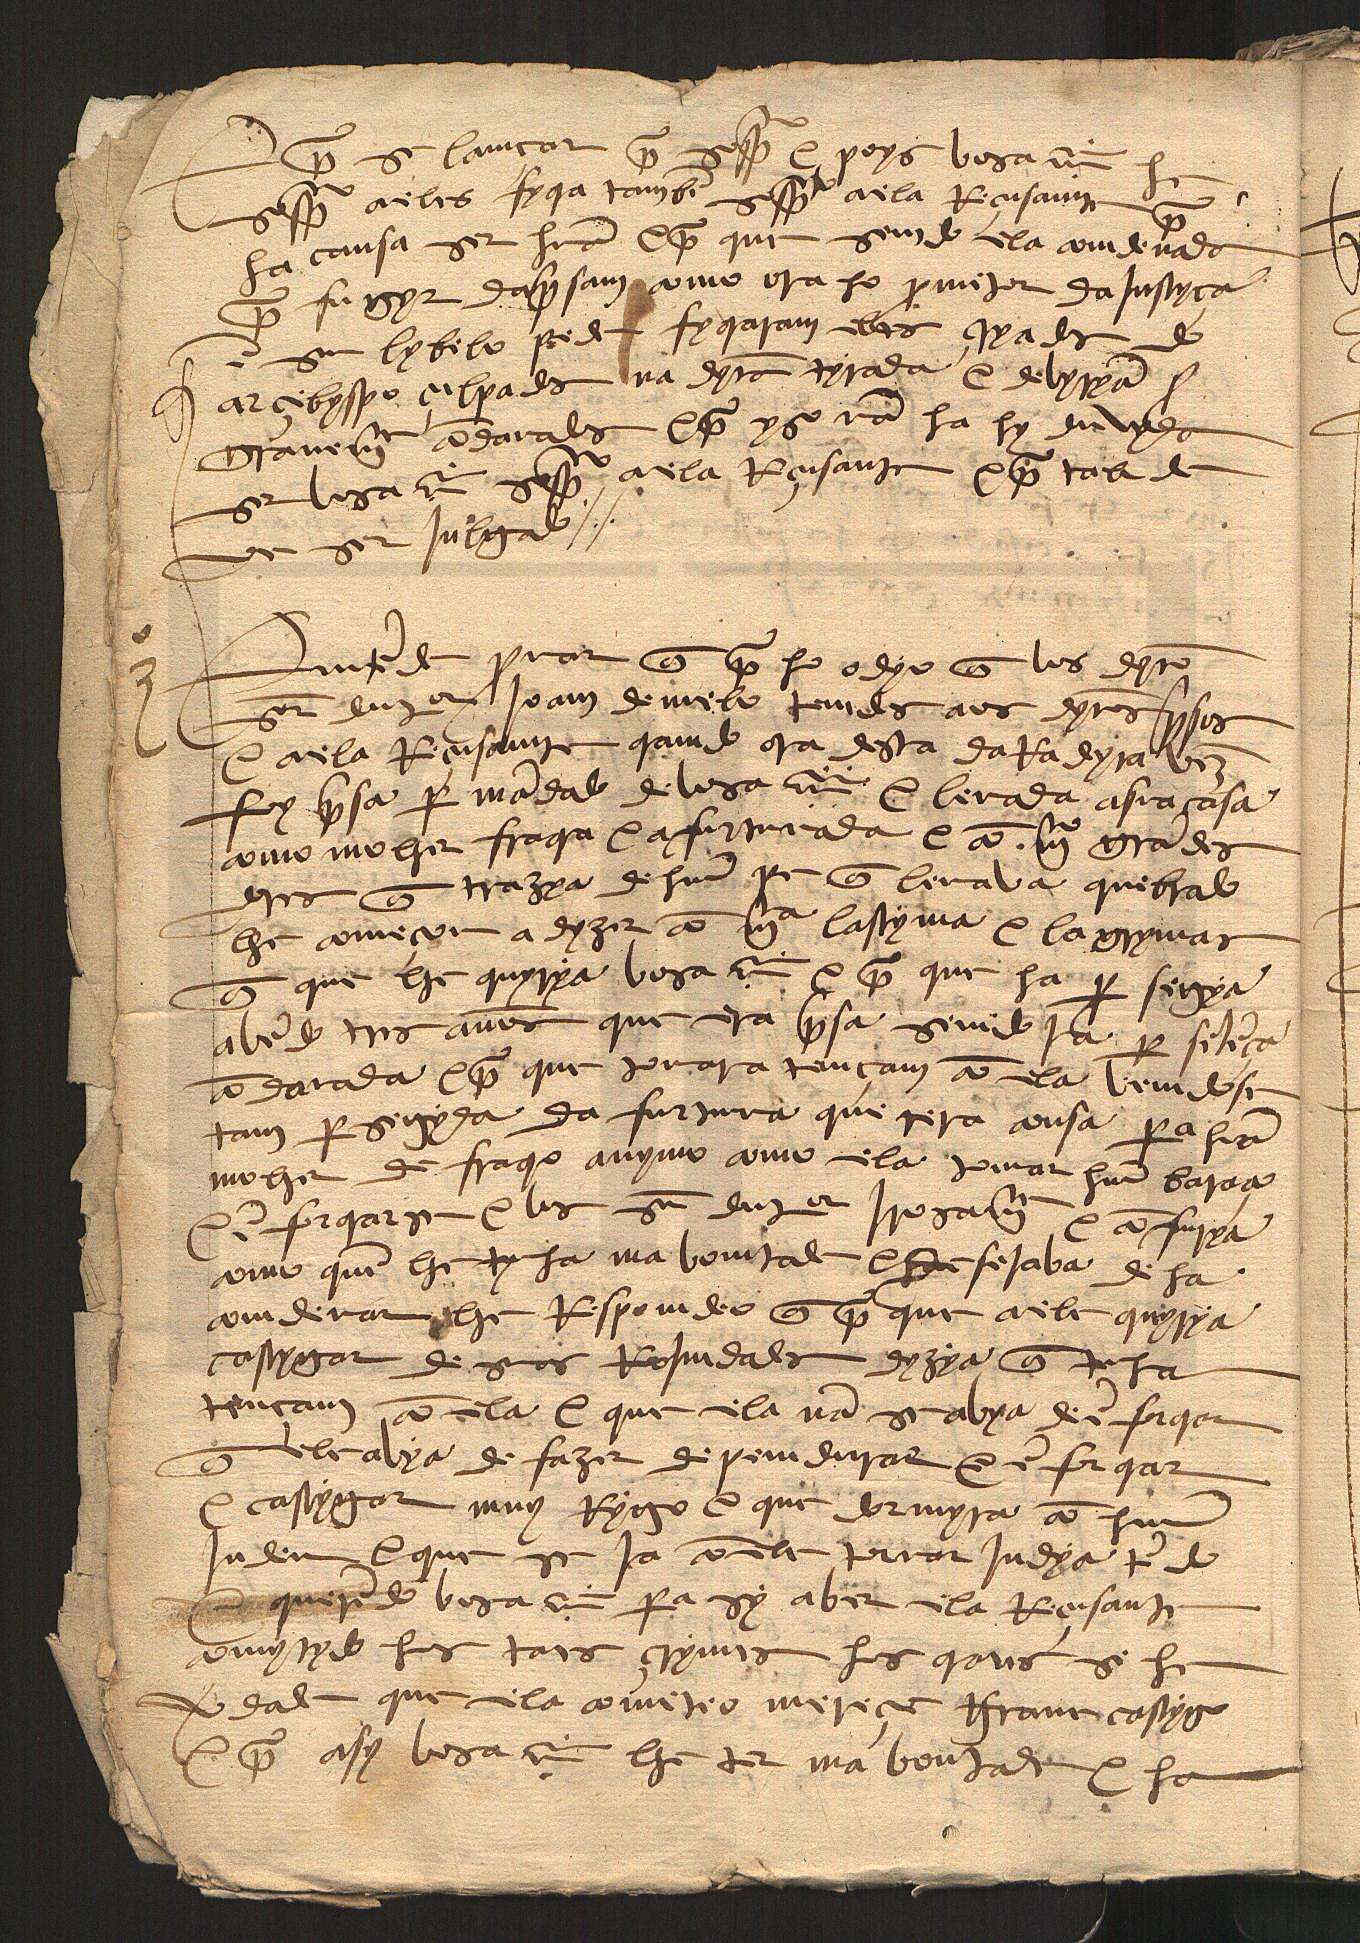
E p̄o se lamçar p̄o sospto e poys vosa m̄ he
sospto a eles fyqa tambē sospto a ela Recusamte p̄o
ha causa ser huā e p̄oque semdo ela comdenada
p̄o fugyr da p̄sam como ora ho ꝓmetor da Justyça
ē seu lybelo pede fyqaram eles cryados do
arcebyspo culpados na dyta tyrada e devyryā ꞩ
grauemte c̄odanados e p̄o yso nā ha hy duvyda
ser vosa m̄ sopto a ela Recusante e p̄o tall de
ve ser Julgado //
3 Emtēde ꝓuar q̄ p̄o ho odyo q̄ vos dyto
sōr doutor Joam de melo temdes aos dytos p̄sos
e a ela Recusamte qamdo ora desta daRadeyra vez
foy p̄sa ꝑ mādado de vosa m̄ e leuada a sua casa
como molher fraqa e afurtunada e c̄o mto grādes
dores q̄ trazya de hū pe q̄ leuava quebrado
lhe começou a dyzer c̄o mta lastyma e lagrymas
q̄ que lhe quyrya vosa m̄ e p̄o que ha ꝑsegya
avēdo tres an̄os que era p̄sa semdo Ja ꝑ sētēça
c̄odanada e p̄o que tomara temçam c̄o ela vemdose
tam ꝑsegyda da furtuna que era cousa ꝑa huā
molher de fraqo anymo como ela tomar hū baraço
e ēforqarse e vos s̄or doutor Jrosamte e c̄o furya
como quē lhe tynha ma vomtade e deseJava de ha
comdenar lhe Respomdeo q̄ p̄oque a ele quyrya
castygar de suas RoJmdades dyzya q̄ tnha
tençam c̄o ela e que ela nā se avya de ēforqar
q̄ ele avya de fazer depemdurar ē ēforqar
e castygar muy Rygo e que dormyra c̄o hū
Judeu e que se Ja c̄o ele tornar Judya tēdo
e querēdo vosa m̄ ꝑa sy aver ela Recusante
comytydo hos taes crymes hos qaees se he
ꝟdade que ela cometeo merece graue castygo
e p̄o asy vosa m̄ lhe ter ma vontade e ha
